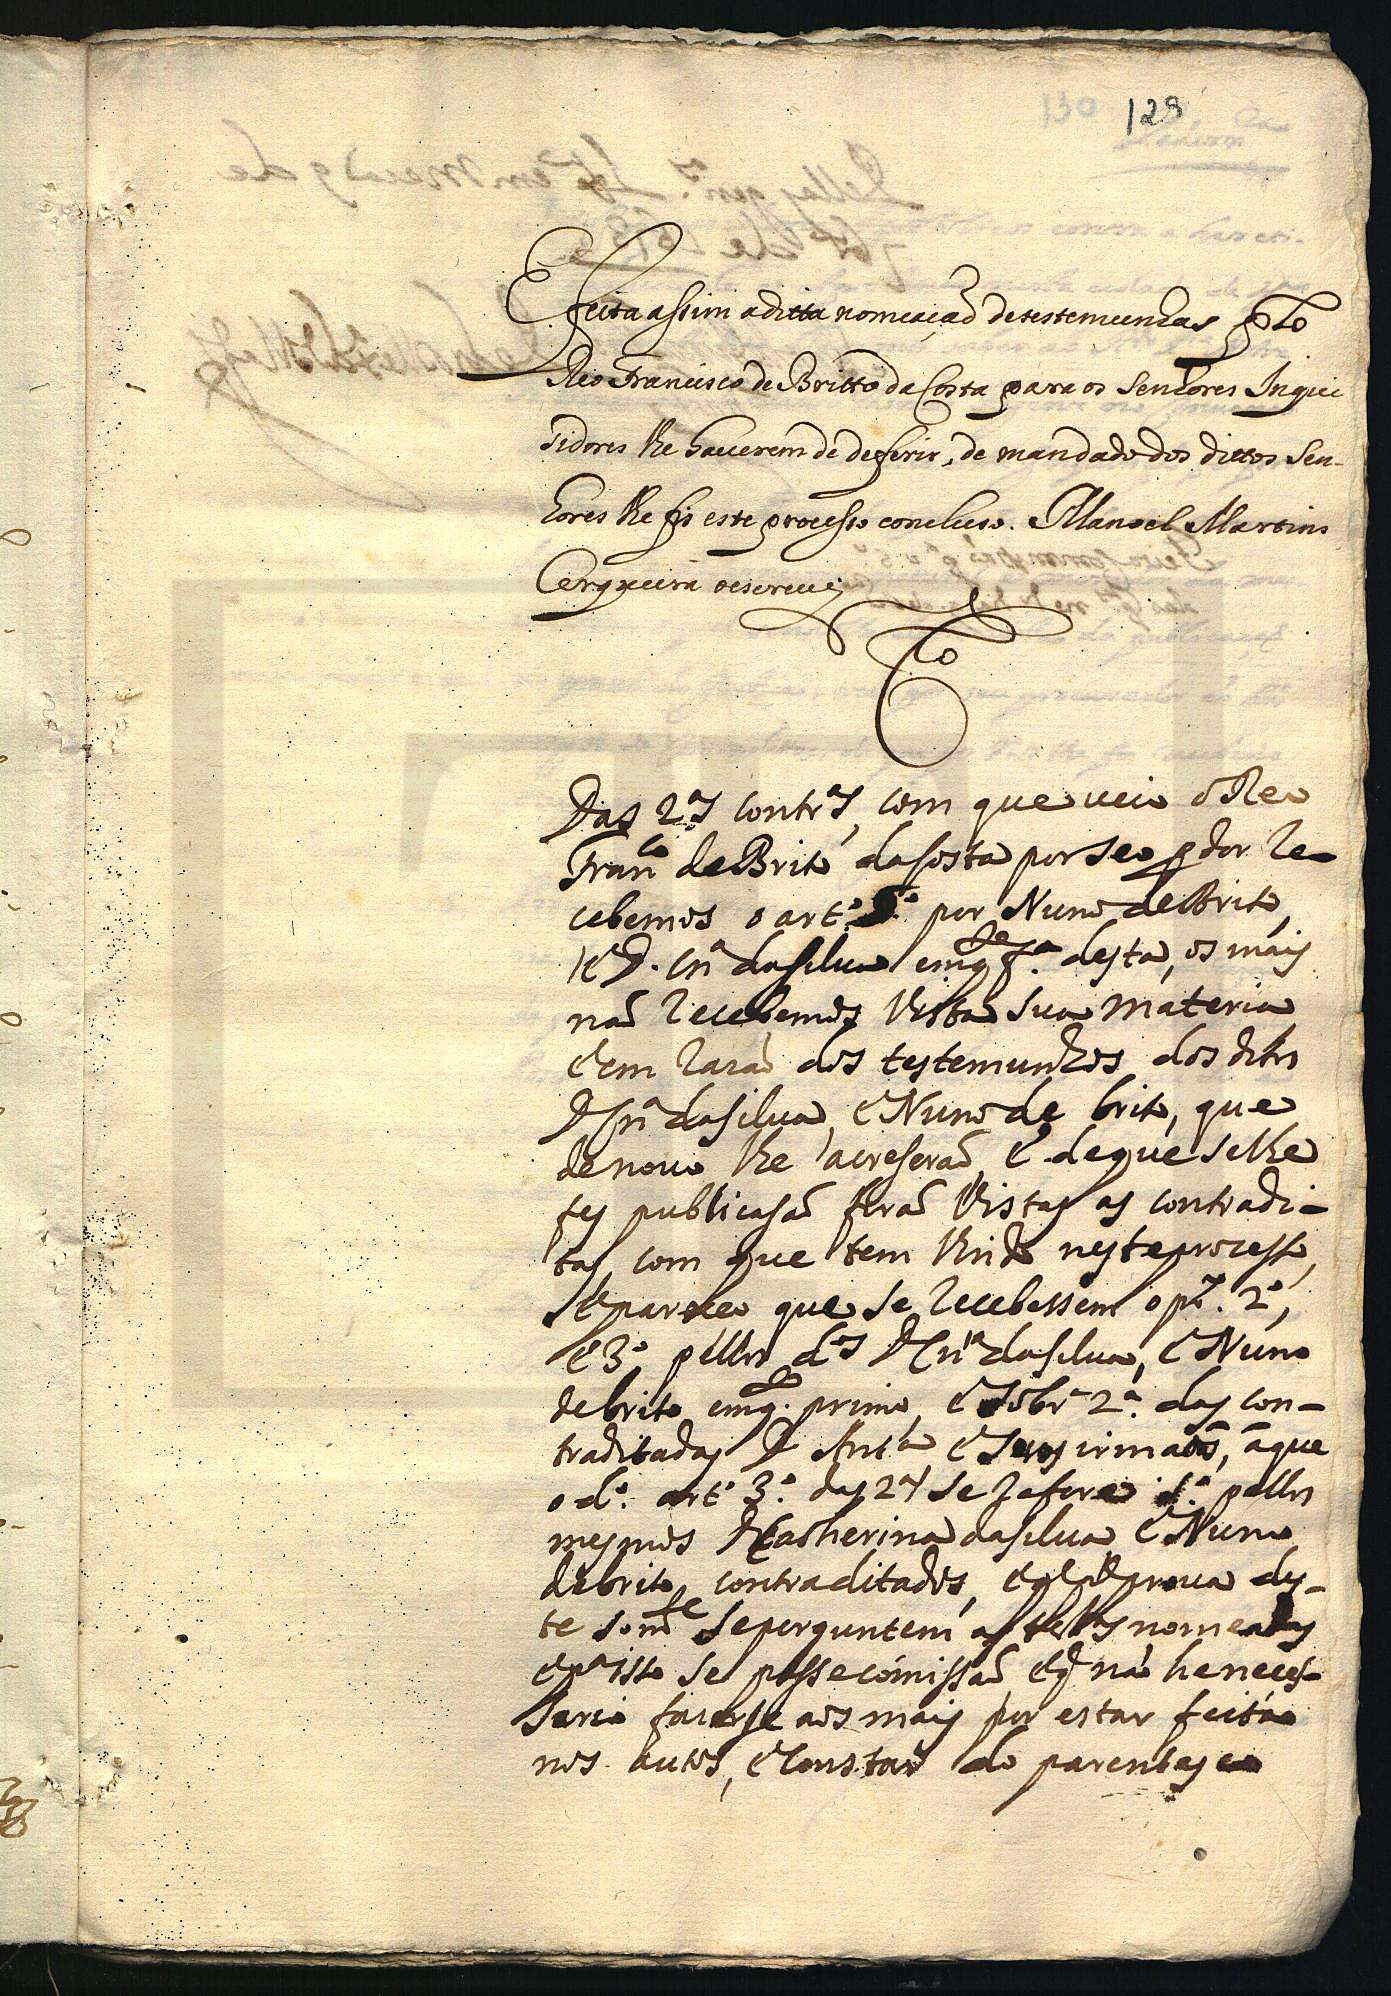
E feita assim a ditta nomeaçaõ de testemunhas plo
Reo Francisco de Britto da Costa para os Senhores Inqui
sidores lhe hauerem de deferir, de mandado dos dittos sen
hores lhe fis este processo concluso. Manoel Martins
Cerqueira o escreuy
C.lo
Das 2as contras, com que ueio o Reo
Franco de Brito da Costa por seo ꝓdor Re
cebemos o art.o 5.o por Nuno de Brito,
E D. Cna da Silua emqto f.a desta, os mais
naõ Recebemos Vista sua materia
E em Razaõ dos testemunhos dos ditos
D Cna da Silua, E Nuno de brito, que
de nouo lhe acreseraõ, E de que se lhe
fes publicasaõ foraõ Vistas as contradi
tas, com que tem Vindo neste processo,
E pareceo que se Recebessem o pr.o 2o,
E 3o pellos dos D Cna da silua, E Nuno
de brito emq.to primo, E sobra 2.a das con
traditadas D Anta E seus irmaõs, a que
o do. arto 3.o das 2as se Refere d.o pellos
mesmos D Catherina da silua E Nuno
de brito contraditados, e q̄ p̄ proua des
te somte se perguntem as testas nomeadas
E pa isso se passe comissaõ E q̄ naõ he neces
sario fazerse aos mais por estar feita
nos autos, E constaõ do parentesco
